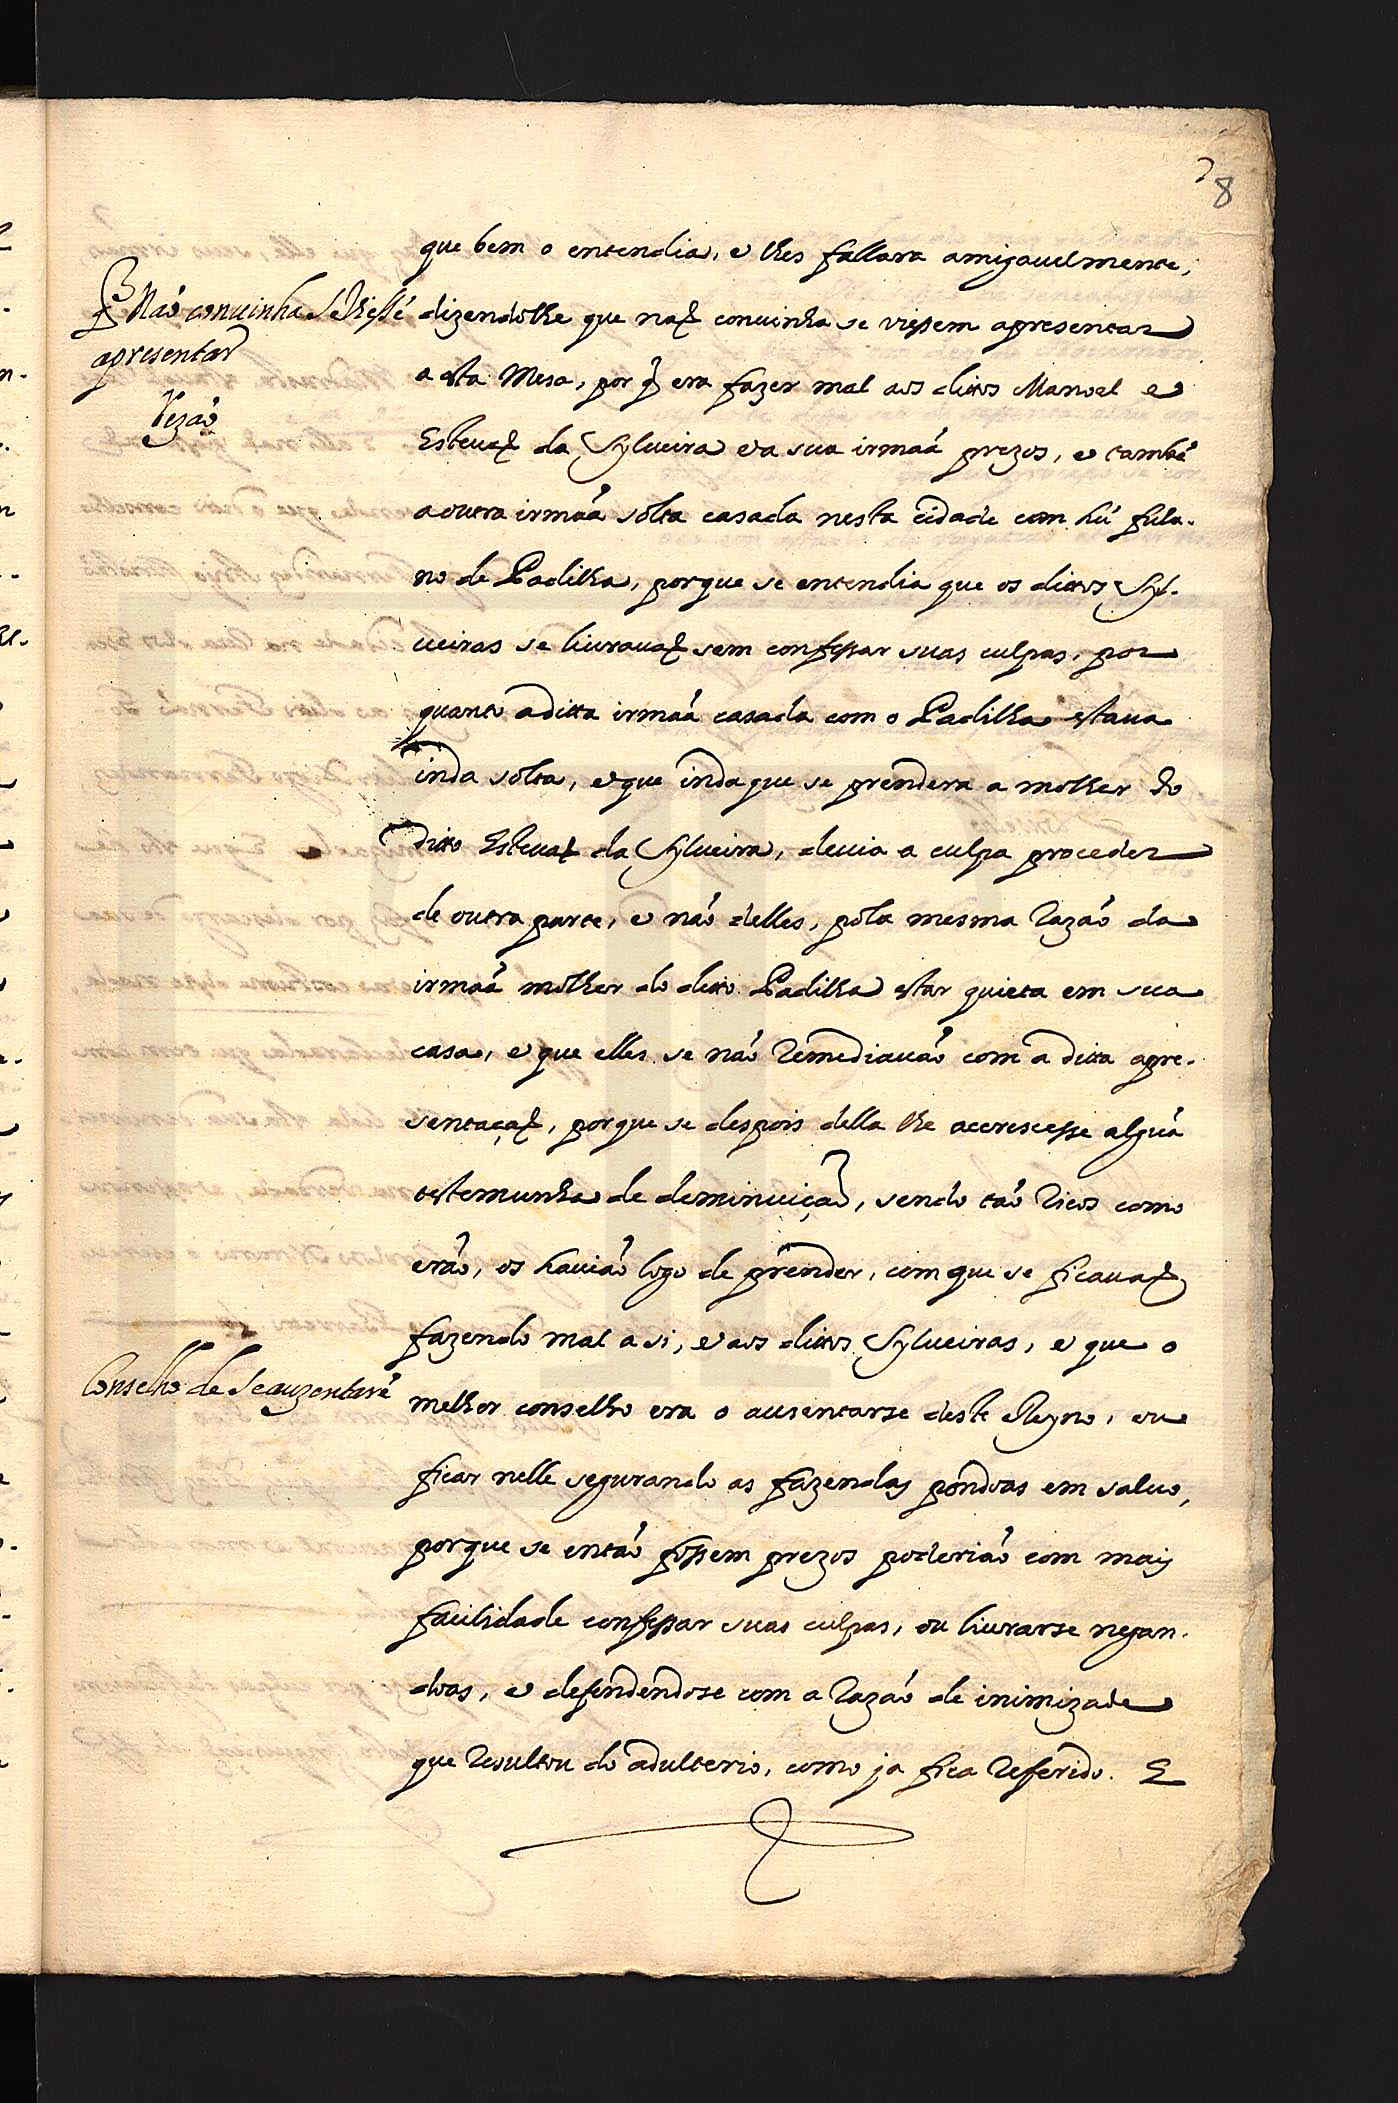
que bem o entendia, e lhes fallara amigauelmente,
dizendolhe que naõ conuinha se viessem apresentar
a esta Mesa, porq̄ era fazer mal aos dittos Manoel e
Esteuaõ da Sylueira e a sua irmaã prezos, e tambē
a outra irmaā solta casada nesta cidade com hū fula
no de Padilha, porque se entendia que os dittos Syl
ueiras se liurauaõ sem confessar suas culpas, por
quanto a ditta irmaã casada com o Padilha estaua
inda solta, e que inda que se prendera a molher do
ditto Esteuaõ da Sylueira, deuia a culpa proceder
de outra parte, e naõ delles, pola mesma Razaõ da
irmaã molher do ditto Padilha estar quieta em sua
casa, e que elles se naõ Remediauaõ com a ditta apre
sentaçaõ, porque se despois della lhe accrescesse alguā
testemunha de deminuiçaõ, sendo taõ Ricos como
eraõ, os hauiaõ logo de prender, com que se ficauaõ
fazendo mal a si, e aos dittos Sylueiras, e que o
melhor conselho era o ausentarse deste Reyno, ou
ficar nelle segurando as fazendas pondoas em saluo,
porque se entaõ fossem prezos poderiaõ com mais
facilidade confessar suas culpas, ou liurarse negan
doas, e defendendose com a Razaõ de inimizade
que Resultou do adulterio, como ja fica Referido. E
